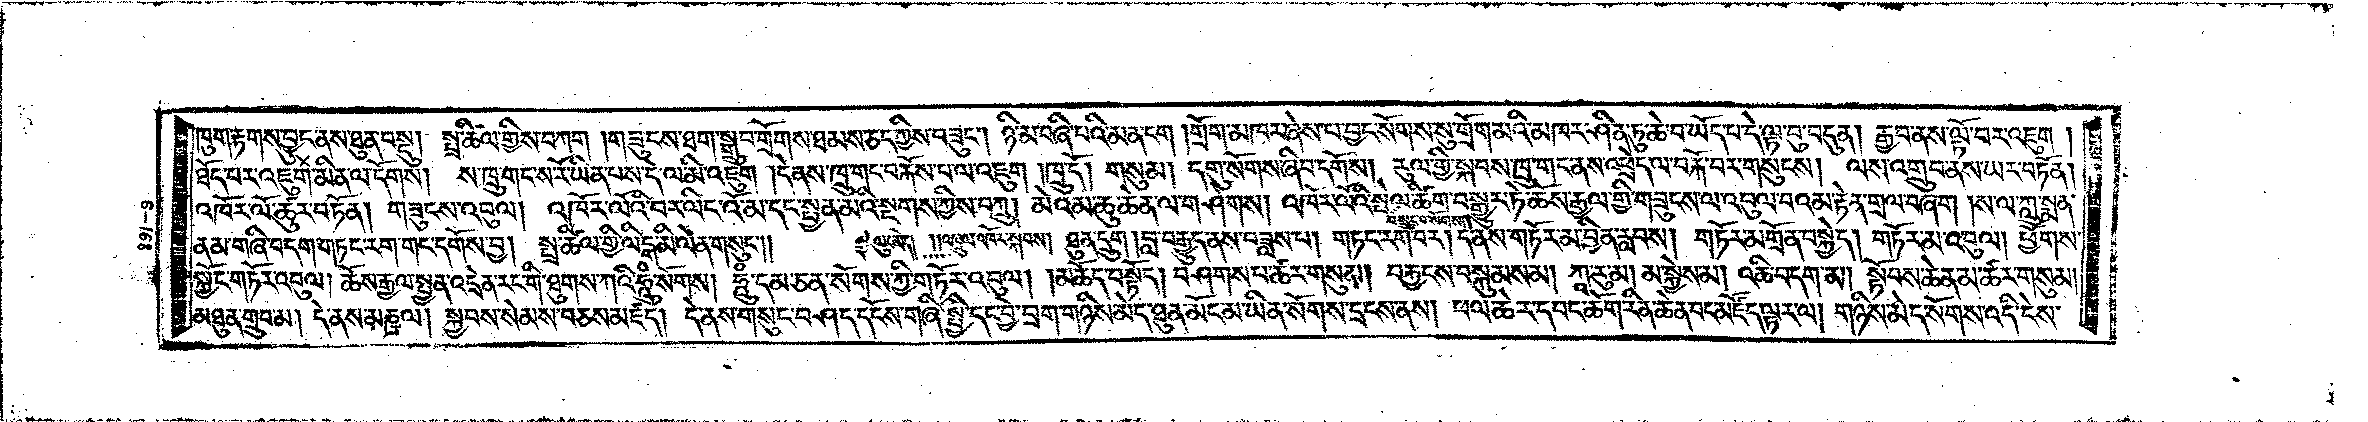ཁུག་རྟགས་བྱུང་ནས་ཐུན་བསྡུ། སྤྲ་ཚིལ་གྱིས་བཀག །གཟུངས་ཐག་སྒྲུབ་གྲོགས་ཐམས་ཅད་ཀྱིས་བཟུང་། ཉི་མ་བཞི་པའི་མན་ངག །གྲོག་མཁར་ཞེས་པ་བྱང་སོགས་སུ་གྲོག་མའི་མཁར་ཤིན་ཏུ་ཆེ་བ་ཡོད་བ་དེ་ལྟ་བུ་བདུན། རྒྱབ་ནས་ལྟོ་བར་འཇུག །
ཐོད་པར་འཇུག་མིན་ལ་དོགས། ས་ཁྲུ་གང་ས་རོ་ཡིན་པས་དེ་ལ་མི་འཇུག །དེ་ནས་ཁྲུ་གང་བརྐོས་པ་ལ་འཇུག །ཁྲུ་དོ། གསུམ། དགུ་སོགས་ཞིབ་དགོས། རུལ་གྱི་སྐབས་ཁྲུ་གང་ནས་འཕྲེད་ལ་བརྐོ་བར་གསུངས། ལས་འགྲུབ་ནས་ཡར་བཏོན།
འཁོར་ལོ་ཚུར་བཏོན། གཟུངས་འབུལ། འཁོར་ལོའི་བར་ལིང་འོ་མ་དང་སྤྱན་མའི་སྔགས་ཀྱིས་བཀྲུ། མེའམ་ཆུ་ཆེན་ལ་གཤེགས། འཁོར་ལོའི་སྤེལ་བསྲུང་བ་སོགས།།  ཚིག་བསྒྱུར་ཏེ་ཆོས་རྒྱལ་གྱི་གཟུངས་ལ་འབུལ་བའམ་རྟེན་གྲལ་བཞག །ས་ལ་ཀླུ་སྨན་
ནམ་གཞི་བདག་གཏང་རག་གང་དགོས་བྱ། སྤྲ་ཚིལ་གྱི་ལིངྒ་མི་ལེན་གསུང།། ༈ལུང་མེད། འཁྲུལ་འཁོར་སྐབས།  ཐུན་དྲུག །བླ་བརྒྱུད་ནས་བཟླས་པ། གཏང་རག་བར། དེ་ནས་གཏོར་མ་བྱིན་རླབས། གཏོར་མགྲོན་བསྐྱེད། གཏོར་མ་འབུལ། ཕྱོགས་
སྐྱོང་གཏོར་འབུལ། ཆོས་རྒྱལ་སྤྱན་འདྲེན་རང་གི་ཐུགས་ཀའི་ཧཱུཾ་སོགས། ཧཱུཾ་དམ་ཅན་སོགས་ཀྱི་གཏོར་འབུལ། །མཆོད་བསྟོད། བཤགས་པ་ཚར་གསུམ། བརྐྱངས་བསྐུམས་མ། ཀཱ་རུ་མ། མ་སྐྱེས་མ། འཆི་བདག་མ། སྟོབས་ཆེན་མ་ཚར་གསུམ།
མཐུན་གྲུབ་མ། དེ་ནས་མཎྜལ། སྐྱབས་སེམས་བཅས་མཛད། དེ་ནས་གསུང་བཤད་དངོས་གཞི་སྤྱི་དང་བྱེ་བྲག་གཉིས་མེད་ཐུན་མོང་མ་ཡིན་སོགས་དྲངས་ནས། ཕལ་ཆེར་དབང་ཆོག་རིན་ཆེན་བང་མཛོད་ལྟར་ལ། གཉིས་མེད་སོགས་འདི་ངེས་